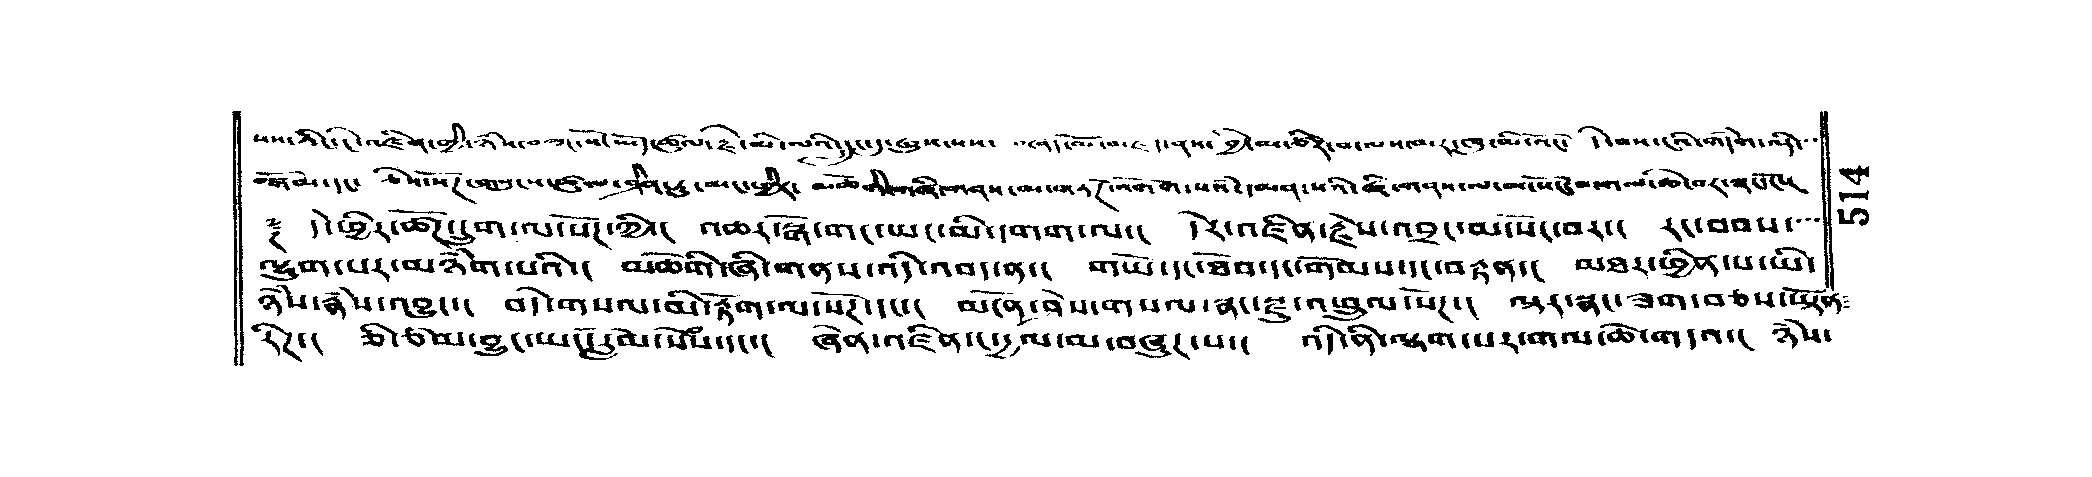པས་ཏིང་ངེ་འཛིན་གྱི་ཉམས་བཟང་པོ་ཡོད་ཚུལ་རྗེ་མི་ལའི་དྲུང་དུ་ཞུས་པས། བཞད་མོ་མཛད་ནས་བྱེ་མ་ཙིར་བ་ལས་མར་ཁུ་མི་འོང་། དེ་བས་ངའི་གདམས་ངག་འདི་
བསྒོམ་དང་། ཅེས་སོགས་གསུངས་ཚུལ་ཤིན་ཏུ་མང་ཕྱིར། མཆོག་གི་གཞི་གནས་མ་གཏོགས་འགོག་པའམ་དམན་པའི་ཞི་གནས་ལ་མ་སོང་བ་གལ་ཆེ་བར་སྣང་ངོ་། 
༈ དེ་ཕྱིར་ཚོགས་དྲུག་ལ་སོགས་ཀྱི། །འཆར་སྒོ་གང་ཡང་མི་དགག་ལ། །དེར་འཛིན་རྗེས་འབྲང་མ་སོང་བར། །རང་བབས་
ལྷུག་པར་མཉམ་བཞག་པའི། །མཆོག་གི་ཞི་གནས་འདི་འབད་ན། །གཡོ་དང་ཐོབ་དང་གོམས་དང་བརྟན། །མཐར་ཕྱིན་པ་ཡི་
ཉམས་རྣམས་འབྱུང་། །བདེ་གསལ་མི་རྟོག་ལ་སོགས་དང་། །མངོན་ཤེས་གསལ་སྣང་རྫུ་འཕྲུལ་སོགས། །ལྟར་སྣང་ཟག་བཅས་ཡོན་ཏན་
རིགས། །ཅི་ཙམ་བྱུང་ཡང་རློམ་སེམས་དང་། །ཞེན་འཛིན་ང་རྒྱལ་མ་བཞུགས་པ། །འདི་ནི་ལྷག་པར་གལ་ཆེ་གདའ། །ཉམས་